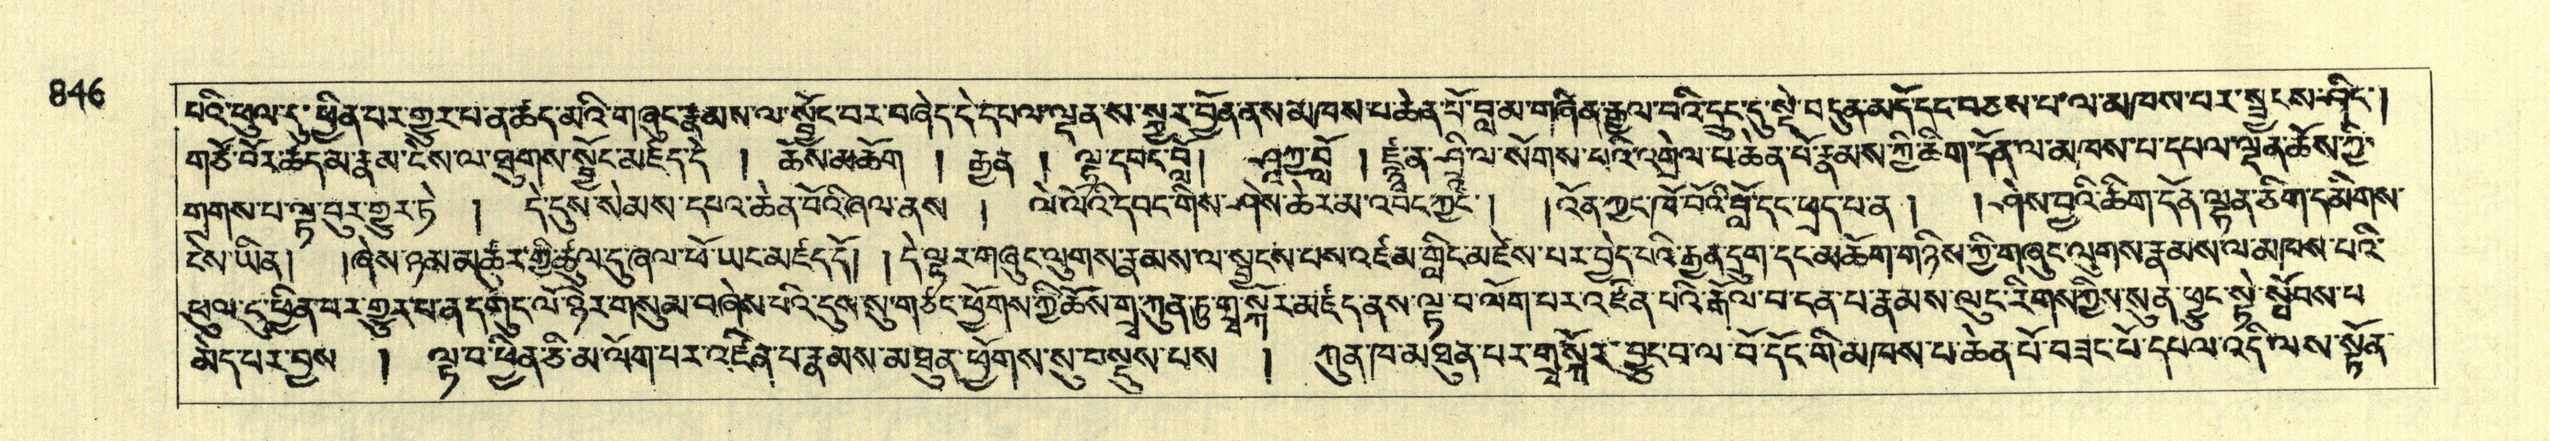པའི་ཕུལ་དུ་ཕྱིན་པར་གྱུར་པ་ན་ཚད་མའི་གཞུང་རྣམས་ལ་སྦྱོང་བར་བཞེད་དེ་དཔལ་ལྡན་ས་སྐྱར་བྱོན་ནས་མཁས་པ་ཆེན་པོ་བླ་མ་གཞིན་རྒྱལ་བའི་དྲུང་དུ་སྡེ་བདུན་མདོ་དང་བཅས་པ་ལ་མཁས་པར་སྦྱངས་ཤིང་།
གཙོ་བོར་ཚད་མ་རྣམ་ངེས་ལ་ཐུགས་སྦྱོང་མཛད་དེ། ཆོས་མཆོག །རྒྱན་། ལྷ་དབང་བློ། ཤཱཀྱ་བློ་།ཛྙཱ་ན་ཤྲཱི་ལ་སོགས་པའི་འགྲེལ་པ་ཆེན་བོ་རྣམས་ཀྱི་ཚིག་དོན་ལ་མཁས་པ་དཔལ་ལྡན་ཆོས་ཀྱི་
གྲགས་པ་ལྟ་བུར་གྱུར་ཏེ། དེ་དུས་སེམས་དཔའ་ཆེན་བོའི་ཞལ་ནས། ལེ་ལོའི་དབང་གིས་ཤེས་ཆེར་མ་འབང་ཀྱང་། །འོན་ཀྱང་ཁོ་བོའི་བློ་དང་ཕྲད་པ་ན། །ཤེས་བྱའི་ཚིག་དོན་ལྷན་ཅིག་དམིགས་
ངེས་ཡིན། །ཞེས་ཉམ་མཚུར་གྱི་ཚུལ་དུ་ཞལ་ཕོ་ཡང་མཛད་དོ། །དེ་ལྟར་གཞུང་ལུགས་རྣམས་ལ་སྦྱངས་པས་འཛམ་གླིང་མཛེས་པར་བྱེད་པའི་རྒྱན་དྲུག་དང་མཆོག་གཉིས་ཀྱི་གཞུང་ལུགས་རྣམས་ལ་མཁས་པའི་
ཕུལ་དུ་ཕྱིན་བར་གྱུར་པ་ན་དགུང་ལོ་ཉེར་གསུམ་བཞེས་པའི་དུས་སུ་གཙང་ཕྱོགས་ཀྱི་ཆོས་གྲྭ་ཀུན་ཏུ་གྲྭ་སྐོར་མཛད་ནས་ལྟ་བ་ལོག་པར་འཛིན་པའི་རྒོལ་བ་ངན་པ་རྣམས་ལུང་རིགས་ཀྱིས་སུན་ཕྱུང་སྟེ་སྤོབས་པ་
མེད་པར་བྱས། ལྟ་བ་ཕྱིན་ཅི་མ་ལོག་པར་འཛིན་པ་རྣམས་མཐུན་ཕྱོགས་སུ་བསྡུས་པས། ཀུན་ཁ་མཐུན་པར་གྲྭ་སྐོར་བྱུང་བ་ལ་བོ་དོང་གི་མཁས་པ་ཆེན་པོ་བཟང་པོ་དཔལ་འདི་ལས་སྟོན་